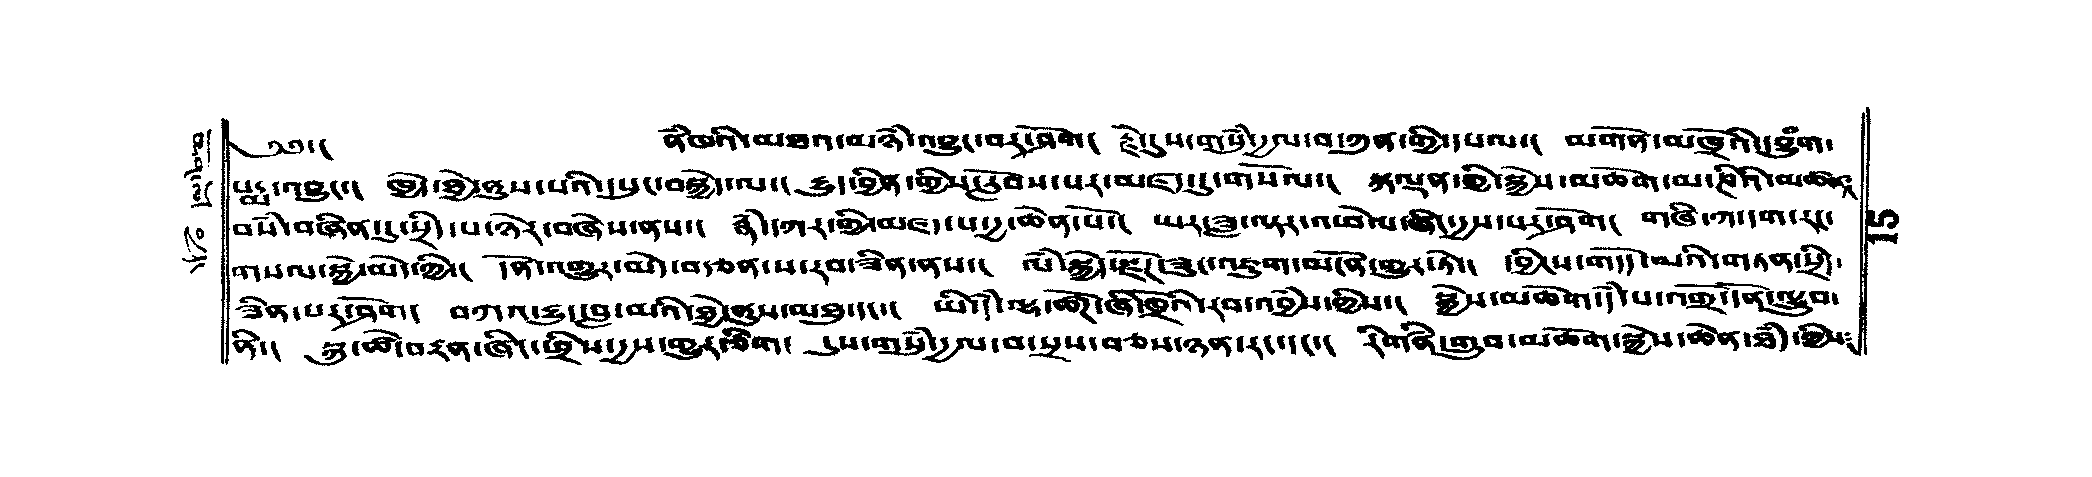ནམ་མཁའི་མཐའ་མཉམ་འབྱུང་བར་ཤོག། ༈ རྗེ་དུས་གསུམ་རྒྱལ་བ་ཀུན་གྱི་དཔལ། །མགོན་མཁའ་འགྲོའི་དབང་ཕྱུག་
པདྨ་འབྱུང་། །ཁྱེད་ཐུགས་རྗེ་ནུས་པའི་དཔུང་བསྐྱེད་ལ། །རྒྱུད་བྱིན་གྱིས་བརླབ་པར་མཛད་དུ་གསོལ། །སྐལ་ལྡན་གྱི་སྐྱེས་མཆོག་མ་ཎིའི་མཚན། །
བསམ་བཞིན་དུ་སྲིད་པ་ཉེར་བཞེས་ནས། །རྣམ་དཀར་གྱི་མཛད་པ་རྒྱ་ཆེན་པོ། །ཡར་ཟླ་ལྟར་འཕེལ་ཞིང་རྒྱས་པར་ཤོག།གཞི་ཀ་དག་རང་
གསལ་སྐྱེ་མེད་ཀྱི། །དོན་འགྱུར་མེད་བརྩན་ས་རབ་ཟིན་ནས། །ལམ་བསྐྱེད་རྫོགས་ཟུང་འཇུག་མངོན་གྱུར་ཏེ། །དབྱིངས་གདོད་མའི་གཏན་སྲིད་
ཟིན་པར་ཤོག །བཀའ་རྒྱུད་བླ་མའི་ཐུགས་རྗེ་ནུས་མཐུ་དང་། །ཡི་དམ་ལྷ་ཚོགས་ཞི་ཁྲོའི་རབ་འབྱམས་ཀྱིས། །སྐྱེས་མཆོག་དམ་པ་འགྲོ་དོན་ལྷུན་གྲུབ་
ནི། །སྐུ་ཚེ་བརྟན་ཞིང་ཕྲིན་ལས་རྒྱས་གྱུར་ཅིག །དུས་གསུམ་རྒྱལ་བ་སྲས་བཅས་ཉན་རང་དང་། །རིག་འཛིན་གྲུབ་མཆོག་སྐྱེས་ཆེན་ཐམས་ཅད་ཀྱིས།